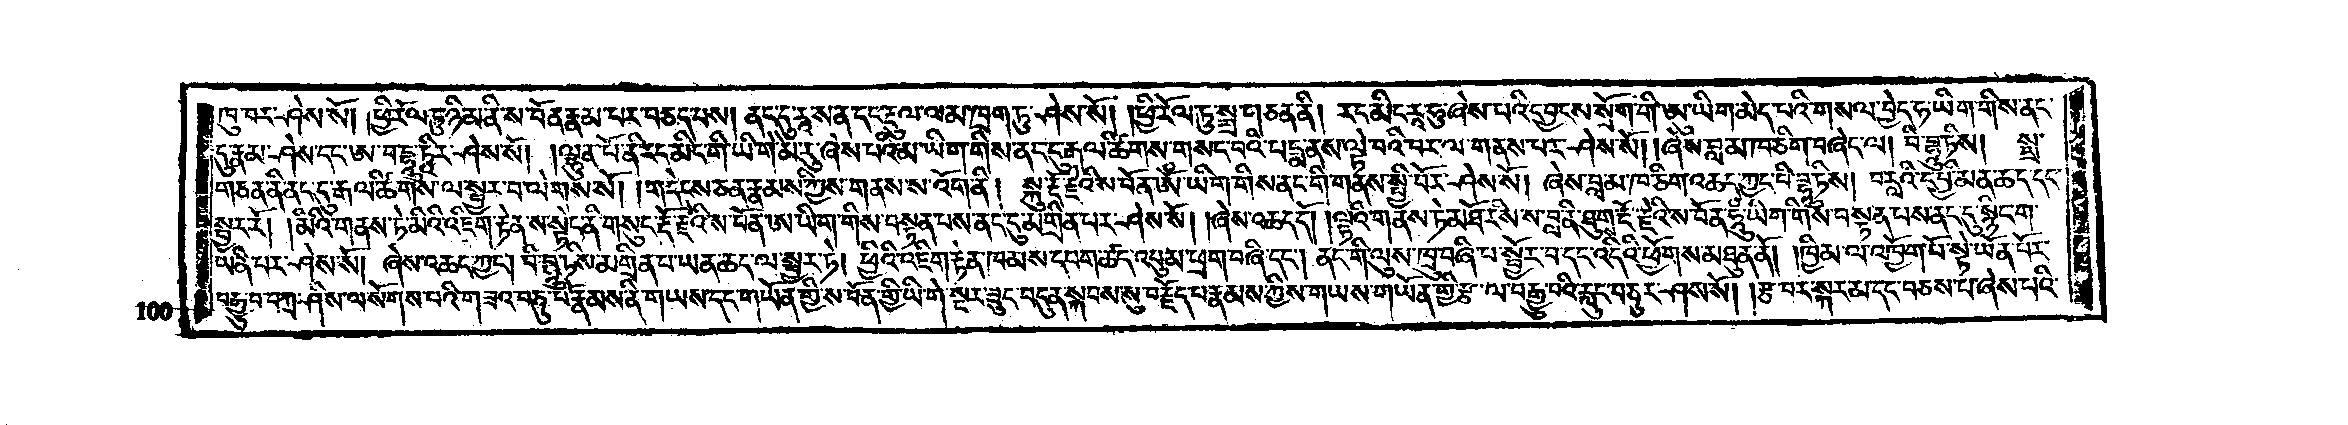ཁུ་བར་ཤེས་སོ། །ཕྱི་རོལ་ཏུ་ཉི་མ་ནི་ས་བོན་རྣམ་པར་བཅད་པས། ནང་དུ་རཱ་ས་ན་དང་རྡུལ་ལམ་ཁྲག་ཏུ་ཤེས་སོ། །ཕྱི་རོལ་ཏུ་སྒྲ་གཅན་ནི། རང་མིང་རཱ་ཧུ་ཞེས་པའི་དབྱངས་སྲོག་གི་ཨུ་ཡིག་མེད་པའི་གསལ་བྱེད་ཧ་ཡིག་གིས་ནང་
དུ་རྣམ་ཤེས་དང་ཨ་བ་དྷཱུ་ཏཱིར་ཤེས་སོ། །ལྷུན་པོ་ནི་རང་མིང་གི་ཡི་གེ་མེ་རུ་ཞེས་པའི་མ་ཡིག་གིས་ནང་དུ་རྒལ་ཚིགས་གསང་བའི་པདམ་ནས་ལྟེ་བའི་བར་ལ་གནས་པར་ཤེས་སོ། །ཞེས་བླ་མ་ཁ་ཅིག་བཞེད་ལ། བི་བྷཱུ་ཏིས། སྒྲ་
གཅན་ནི་ནང་དུ་རྒལ་ཚིགས་ལ་སྦྱར་བ་ལེགས་སོ། །གདེངས་ཅན་རྣམས་ཀྱིས་གནས་ས་འོག་ནི། སྐུ་རྡོ་རྗེའི་ས་བོན་ཨོཾ་ཡིག་གིས་ནང་གི་གནས་སྤྱི་བོར་ཤེས་སོ། ཞེས་བླ་མ་ཁ་ཅིག་འཆད་ཀྱང་བི་བྷཱུ་ཏིས། བརླའི་དཔྱི་མན་ཆད་དང་
སྦྱར་རོ། །མིའི་གནས་ཏེ་མིའི་འཇིག་རྟེན་ས་སྟེང་ནི་གསུང་རྡོ་རྗེའི་ས་བོན་ཨ་ཡིག་གིས་བསྟན་པས་ནང་དུ་མགྲིན་པར་ཤེས་སོ། །ཞེས་འཆད་དོ། །ལྟའི་གནས་ཏེ་མཐོ་རིས་ས་བླ་ནི་ཐུགས་རྡོ་རྗེའི་ས་བོན་ཧཱུཾ་ཡིག་གིས་བསྟན་པས་ནང་དུ་སྙིང་ག་
ཡིན་པར་ཤེས་སོ། ཞེས་འཆད་ཀྱང་། བི་བྷཱུ་ཏིས་མགྲིན་པ་ཡན་ཆད་ལ་སྦྱར་ཏེ། ཕྱིའི་འཇིག་རྟེན་ཁམས་དཔག་ཚད་འབུམ་ཕྲག་བཞི་དང་། ནང་གི་ལུས་ཁྲུ་བཞི་པ་སྦྱོར་བ་དང་འདིའི་ཕྱོགས་མཐུན་ནོ། །ཁྱིམ་ལ་འཁྱོག་པོ་སྟེ་ཡོན་པོར་
བརྒྱུ་བ་བཀྲ་ཤིས་ལ་སོགས་པའི་གཟའ་བཅུ་པོ་རྣམས་ནི་གཡས་དང་གཡོན་གྱི་ས་བོན་གྱི་ཡི་གེ་སྔར་ཟུང་བདུན་སྐབས་སུ་བརྗོད་པ་རྣམས་ཀྱིས་གཡས་གཡོན་གྱི་རྩ་ལ་བརྒྱུ་བའི་རླུང་བཅུར་ཤས་སོ། །རྩ་བར་སྐར་མ་དང་བཅས་པ་ཞེས་པའི་